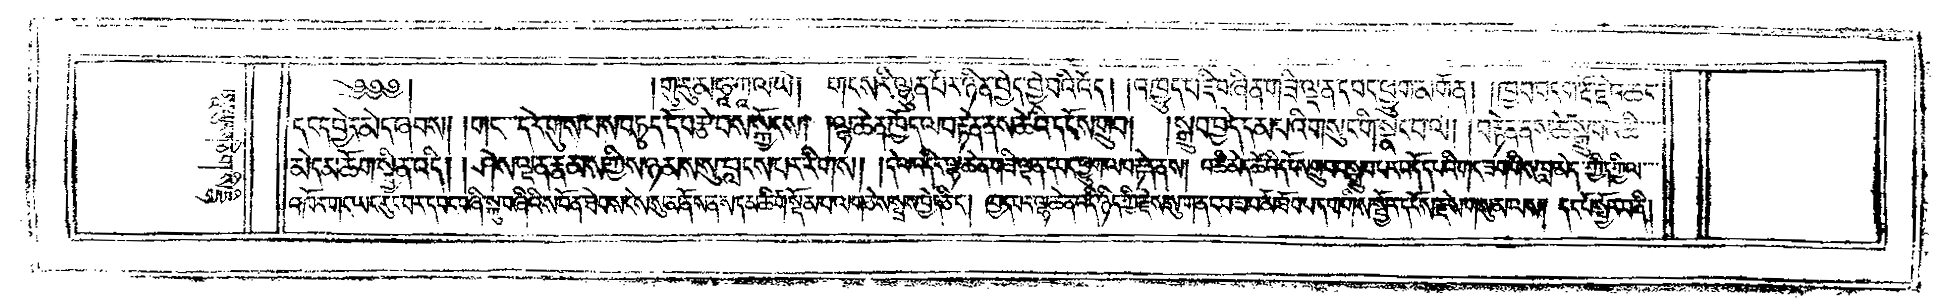༄༅༅། །གུ་རུ་མཧཱ་ཀཱ་ལ་ཡེ། གངས་རི་ལྷུན་པོར་ཉིན་བྱེད་བྱེ་བའི་འོད། །འཁྱུད་པ་ཇི་བཞིན་གཟི་ལྡན་དབང་ཕྱུག་མགོན། །ཁྱབ་བདག་རྡོ་རྗེ་འཆང་
དང་དབྱེར་མེད་ཞབས། །གང་དེར་གུས་པས་བཏུད་དོ་བརྩེ་བས་སྐྱོངས། །ལྷ་ཆེན་ཁྱོད་ལ་བརྟེན་ནས་ཚེའི་དངོས་གྲུབ། །སྒྲུབ་བྱེད་དམ་པའི་གསུང་གི་སྣང་བ་ལ། །བརྟེན་ནས་ཚེ་སྒྲུབ་འཆི་
མེད་མཆོག་སྦྱིན་འདི། །ཤེས་ལྡན་རྣམས་ཀྱིས་ཉམས་སུ་བླངས་པར་རིགས། །དེ་ལ་འདིར་ལྷ་ཆེན་གཟི་ལྡན་དབང་ཕྱུག་ལ་བརྟེན་ནས། འཆི་མེད་ཚེའི་དངོས་གྲུབ་བསྒྲུབ་པར་འདོད་པའི་གང་ཟག་གིས་བླ་མེད་ཀྱི་དཀྱིལ་
འཁོར་གང་ཡང་རུང་བར་དབང་བཞི་སྐུ་བཞིའི་ས་བོན་ཐེབས་ངེས་སུ་མནོས་ནས་དམ་ཚིག་སྡོམ་པ་ལག་ཅེས་སྤྲས་བྱེད་ཅིང་། ཁྱད་པར་ལྷ་ཆེན་འདི་ཉིད་ཀྱི་རྗེས་སུ་གནང་བ་ཟབ་མོ་ཐོབ་པ་དག་གིས་སྦྱོར་དངོས་རྗེས་གསུམ་ལས། དང་པོ་སྦྱོར་པ་ནི།